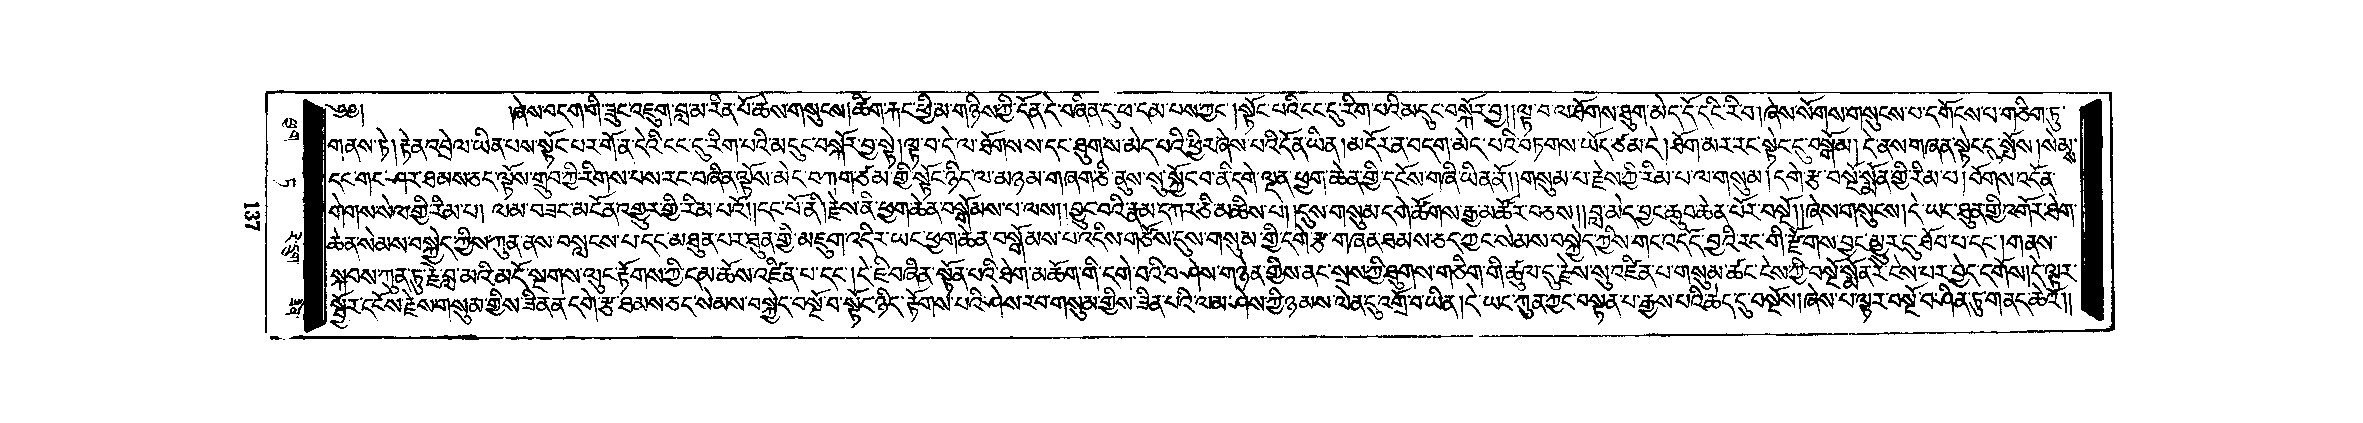༄༅། །ཞེས་བདག་གི་ཟུང་འཇུག་བླ་མ་རིན་པོ་ཆེས་གསུངས། ཚིག་རྐང་ཕྱི་མ་གཉིས་ཀྱི་དོན་དེ་བཞིན་དུ་ཕ་དམ་པས་ཀྱང་། སྟོང་པའི་ངང་དུ་རིག་པའི་མདུང་བསྐོར་བྱ། །ལྟ་བ་ལ་ཐོགས་ཐུག་མེད་དོ་དིང་རི་བ། ཞེས་སོགས་གསུངས་པ་དགོངས་པ་གཅིག་ཏུ་
གནས་ཏེ། རྟེན་འབྲེལ་ཡིན་པས་སྟོང་པར་གོ་ན་དེའི་ངང་དུ་རིག་པའི་མདུང་བསྐོར་བྱ་སྟེ། ལྟ་བ་དེ་ལ་ཐོགས་ས་དང་ཐུགས་མེད་པའི་ཕྱིར་ཞེས་པའི་དོན་ཡིན། མདོར་ན་བདག་མེད་པའི་བཏགས་ཡོད་ཙམ་དེ། ཐོག་མར་རང་སྟེང་དུ་བསྒོམ། དེ་ནས་གཞན་སྟེང་དུ་སྤོས། སེམས་
དང་གང་ཤར་ཐམས་ཅད་ལྟོས་གྲུབ་ཀྱི་རིགས་པས་རང་བཞིན་ལྟོས་མེད་བཀག་ཙམ་གྱི་སྟོང་ཉིད་ལ་མཉམ་གཞག་ཅི་ནུས་སུ་སྐྱོང་བ་ནི་དགེ་ལྡན་ཕྱག་ཆེན་གྱི་དངོས་གཞི་ཡིན་ནོ། །གསུམ་པ་རྗེས་ཀྱི་རིམ་པ་ལ་གསུམ། དགེ་རྩ་བ་བསྔོ་སྨོན་གྱི་རིམ་པ། བོགས་འདོན་
གེགས་སེལ་གྱི་རིམ་པ། ལམ་བཟང་མངོན་འགྱུར་རིམ་པའོ། །དང་པོ་ནི། རྗེས་ནི་ཕྱག་ཆེན་བསྒོམ་པ་ལས། བྱུང་བའི་རྣམ་དཀར་ཅི་མཆིས་པ། དུས་གསུམ་དགེ་ཚོགས་རྒྱ་མཚོར་བཅས། བླ་མེད་བྱང་ཆུབ་ཆེན་པོར་བསྔོ། །ཞེས་གསུངས། དེ་ཡང་ཐུན་གྱི་འགོར་ཐེག་
ཆེན་སེམས་བསྐྱེད་ཀྱིས་ཀུན་ནས་བསླངས་པ་དང་མཐུན་པར་ཐུན་གྱི་མཇུག་འདིར་ཡང་ཕྱག་ཆེན་བསྒོམས་པ་འདིས་གཙོས་དུས་གསུམ་གྱི་དགེ་རྩ་གཞན་ཐམས་ཅད་ཀྱང་སེམས་བསྐྱེད་ཀྱིས་གང་འདོད་བྱའི་རང་གི་རྫོགས་བྱང་མྱུར་དུ་ཐོབ་པ་དང་། གནས་
སྐབས་ཀུན་ཏུ་རྗེ་བླ་མའི་མདོ་སྔགས་ལུང་རྟོགས་ཀྱི་དམ་ཆོས་འཛིན་པ་དང་། དེ་ཇི་བཞིན་སྟོན་པའི་ཐེག་མཆོག་གི་དགེ་བའི་བཤེས་གཉེན་གྱིས་ནང་སྲས་ཀྱི་ཐུགས་གཅིག་གི་ཚུལ་དུ་རྗེས་སུ་འཛིན་པ་གསུམ་ཚང་ངེས་ཀྱི་བསྔོ་སྨོན་རེ་ངེས་པར་བྱེད་དགོས། དེ་ལྟར་
སྦྱོར་དངོས་རྗེས་གསུམ་གྱིས་ཟིན་ན་དགེ་རྩ་ཐམས་ཅད་སེམས་བསྐྱེད་བསྔོ་བ་སྟོང་ཉིད་རྟོགས་པའི་ཤེས་རབ་གསུམ་གྱིས་ཟིན་པའི་ལམ་ཤེས་ཀྱི་ཉམས་ལེན་དུ་འགྲོ་བ་ཡིན། དེ་ཡང་ཀུན་ཀྱང་བསྟན་པ་རྒྱས་པའི་ཆེད་དུ་བསྔོས། ཞེས་པ་ལྟར་བསྔོ་བ་ཤིན་ཏུ་གནད་ཆེའོ། །